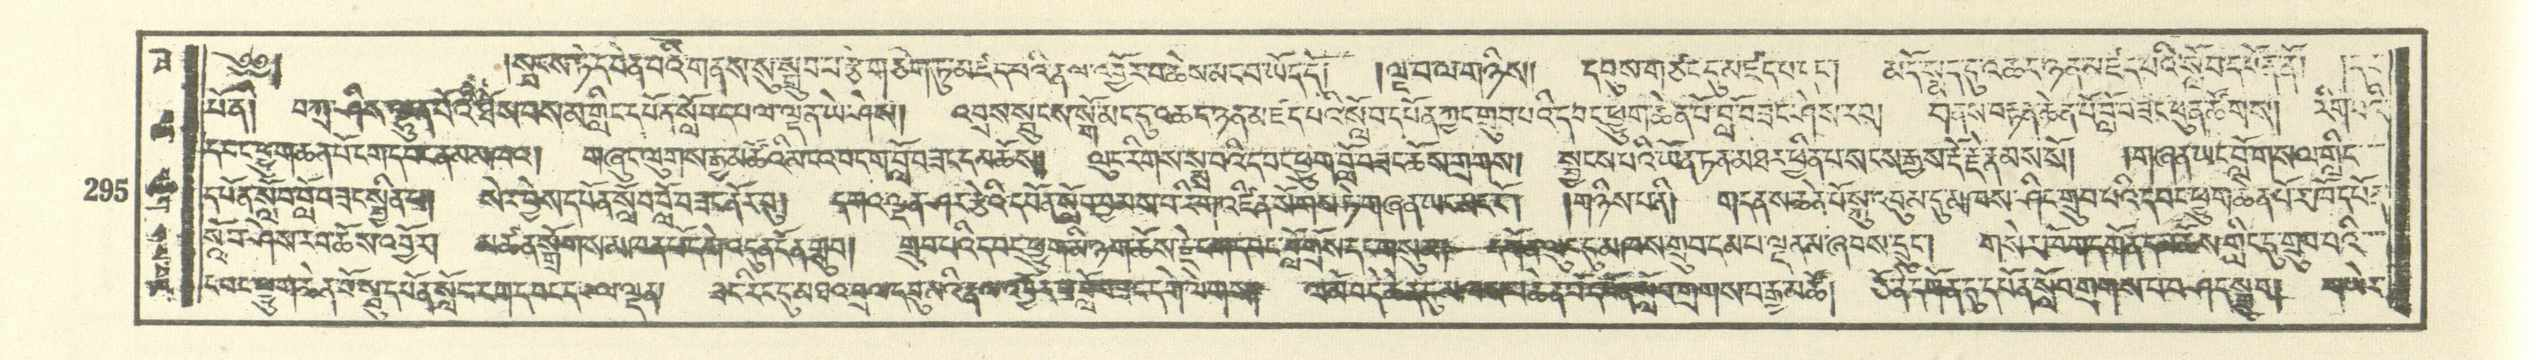༄༅། །སྤངས་ཏེ་དཔེན་པའི་གནས་སུ་སྒྲུབ་པ་རྩེ་གཅིག་ཏུ་མཛད་པའི་རྣལ་འབྱོར་བ་ཆེས་མང་བ་ཡོད་དེ། །ལྔ་བ་ལ་གཉིས། དབུས་གཙང་དུ་མཛད་པ་དང་། མདོ་སྨད་དུ་འཆད་ཉན་མཛད་པའི་སློབ་དཔོན་ནོ། །དང་
པོ་ནི། བཀྲ་ཤིས་ལྷུན་པོའི་ཐོས་བསམ་གླིང་དཔོན་སློབ་དཔལ་ལྡན་ཡེ་ཤེས། འབྲས་སྤུངས་སྒོ་མང་དུ་འཆད་ཉན་མཛད་པའི་སློབ་དཔོན་ཀྱང་གྲུབ་པའི་དབང་ཕྱུག་ཆེན་པོ་བློ་བཟང་ཤེས་རབ། གནས་བརྟན་ཆེན་པོ་བློ་བཟང་ཕུན་ཚོགས། རིག་པའི་
དབང་ཕྱུག་ཆན་པོ་ངག་དབང་ནམ་མཁའ། གཞུང་ལུགས་རྒྱ་མཚོའི་མངའ་བདག་བློ་བཟང་དམ་ཆོས། ལུང་རིགས་སྨྲ་བའི་དབང་ཕྱུག་བློ་བཟང་ཆོས་གྲགས། སྦྱངས་པའི་ཡོན་ཏན་མཐར་ཕྱིན་པ་སངས་རྒྱས་རྡོ་རྗེ་རྣམས་སོ། །གཞན་ཡང་བློ་གསལ་གླིང་
དཔོན་སློབ་བློ་བཟང་སྦྱིན་པ། སེར་བྱེས་དཔོན་སློབ་བློ་བཟང་ནོར་བུ། དགའ་ལྡན་ཤར་རྩེའི་དཔོན་སློབ་བྱམས་པ་རིག་འཛིན་སོགས་ཏེ་གཞན་ཡང་མང་ངོ། །གཉིས་པ་ནི། གདན་ས་ཆེན་པོ་སྐུ་འབུམ་དུ་མཁས་ཤིང་གྲུབ་པའི་དབང་ཕྱུག་ཆེན་པོར་ཁོ་དཔོན་
སློབ་ཤེས་རབ་ཆོས་འབྱོར། མཚན་སྒྲོགས་མཁན་པོ་དགེ་འདུན་དོན་གྲུབ། གྲུབ་པའི་དབང་ཕྱུག་མི་ཉག་ཆོས་རྗེ་ངག་དབང་བློ་གྲོས་དང་གསུམ། དགོན་ལུང་དུ་མཁས་གྲུབ་དམ་པ་ལྡན་མ་ཞབས་དྲུང་། གསེར་ཁོག་དགོན་དམ་ཆོས་གླིང་དུ་གྲུབ་པའི་
དབང་ཕྱུག་ཆེན་པོ་སྤུ་དཔོན་སློབ་ངག་དབང་དཔལ་ལྡན། ཐང་རིང་དུ་མཐའ་བྲལ་དབུ་མའི་རྣལ་འབྱོར་བ་བློ་བཟང་དགེ་ལེགས། ལ་མོ་བདེ་ཆེན་དུ་མཁས་པ་ཆེན་པོ་དཔོན་སློབ་གྲགས་པ་རྒྱ་མཚོ། ཅོ་ནེ་དགོན་དུ་དཔོན་སློབ་གྲགས་པ་བཤད་སྒྲུབ། གཡེར་